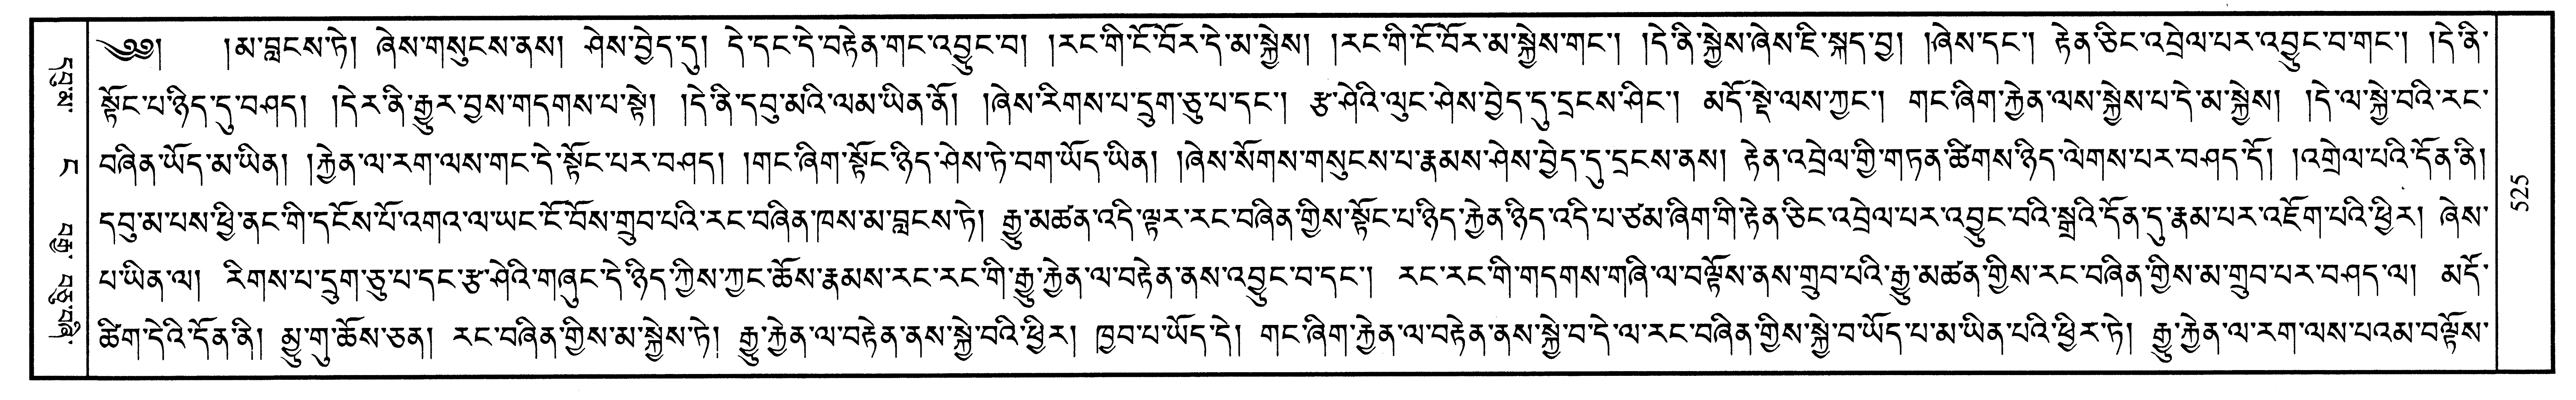༄༅། །མ་བླངས་ཏེ། ཞེས་གསུངས་ནས། ཤེས་བྱེད་དུ། དེ་དང་དེ་བརྟེན་གང་འབྱུང་བ། །རང་གི་ངོ་བོར་དེ་མ་སྐྱེས། །རང་གི་ངོ་བོར་མ་སྐྱེས་གང་། །དེ་ནི་སྐྱེས་ཞེས་ཇི་སྐད་བྱ། །ཞེས་དང་། རྟེན་ཅིང་འབྲེལ་པར་འབྱུང་བ་གང་། །དེ་ནི་
སྟོང་པ་ཉིད་དུ་བཤད། །དེར་ནི་རྒྱུར་བྱས་གདགས་པ་སྟེ། །དེ་ནི་དབུ་མའི་ལམ་ཡིན་ནོ། །ཞེས་རིགས་པ་དྲུག་ཅུ་པ་དང་། རྩ་ཤེའི་ལུང་ཤེས་བྱེད་དུ་དྲངས་ཤིང་། མདོ་སྡེ་ལས་ཀྱང་། གང་ཞིག་རྐྱེན་ལས་སྐྱེས་པ་དེ་མ་སྐྱེས། །དེ་ལ་སྐྱེ་བའི་རང་
བཞིན་ཡོད་མ་ཡིན། །རྐྱེན་ལ་རག་ལས་གང་དེ་སྟོང་པར་བཤད། །གང་ཞིག་སྟོང་ཉིད་ཤེས་ཏེ་བག་ཡོད་ཡིན། །ཞེས་སོགས་གསུངས་པ་རྣམས་ཤེས་བྱེད་དུ་དྲངས་ནས། རྟེན་འབྲེལ་གྱི་གཏན་ཚིགས་ཉིད་ལེགས་པར་བཤད་དོ། །འགྲེལ་པའི་དོན་ནི།
དབུ་མ་པས་ཕྱི་ནང་གི་དངོས་པོ་འགའ་ལ་ཡང་ངོ་བོས་གྲུབ་པའི་རང་བཞིན་ཁས་མ་བླངས་ཏེ། རྒྱུ་མཚན་འདི་ལྟར་རང་བཞིན་གྱིས་སྟོང་པ་ཉིད་རྐྱེན་ཉིད་འདི་པ་ཙམ་ཞིག་གི་རྟེན་ཅིང་འབྲེལ་པར་འབྱུང་བའི་སྒྲའི་དོན་དུ་རྣམ་པར་འཇོག་པའི་ཕྱིར། ཞེས་
པ་ཡིན་ལ། རིགས་པ་དྲུག་ཅུ་པ་དང་རྩ་ཤེའི་གཞུང་དེ་ཉིད་ཀྱིས་ཀྱང་ཆོས་རྣམས་རང་རང་གི་རྒྱུ་རྐྱེན་ལ་བརྟེན་ནས་འབྱུང་བ་དང་། རང་རང་གི་གདགས་གཞི་ལ་བལྟོས་ནས་གྲུབ་པའི་རྒྱུ་མཚན་གྱིས་རང་བཞིན་གྱིས་མ་གྲུབ་པར་བཤད་ལ། མདོ་
ཚིག་དེའི་དོན་ནི། །མྱུ་གུ་ཆོས་ཅན། རང་བཞིན་གྱིས་མ་སྐྱེས་ཏེ། རྒྱུ་རྐྱེན་ལ་བརྟེན་ནས་སྐྱེ་བའི་ཕྱིར། ཁྱབ་པ་ཡོད་དེ། གང་ཞིག་རྐྱེན་ལ་བརྟེན་ནས་སྐྱེ་བ་དེ་ལ་རང་བཞིན་གྱིས་སྐྱེ་བ་ཡོད་པ་མ་ཡིན་པའི་ཕྱིར་ཏེ། རྒྱུ་རྐྱེན་ལ་རག་ལས་པའམ་བལྟོས་